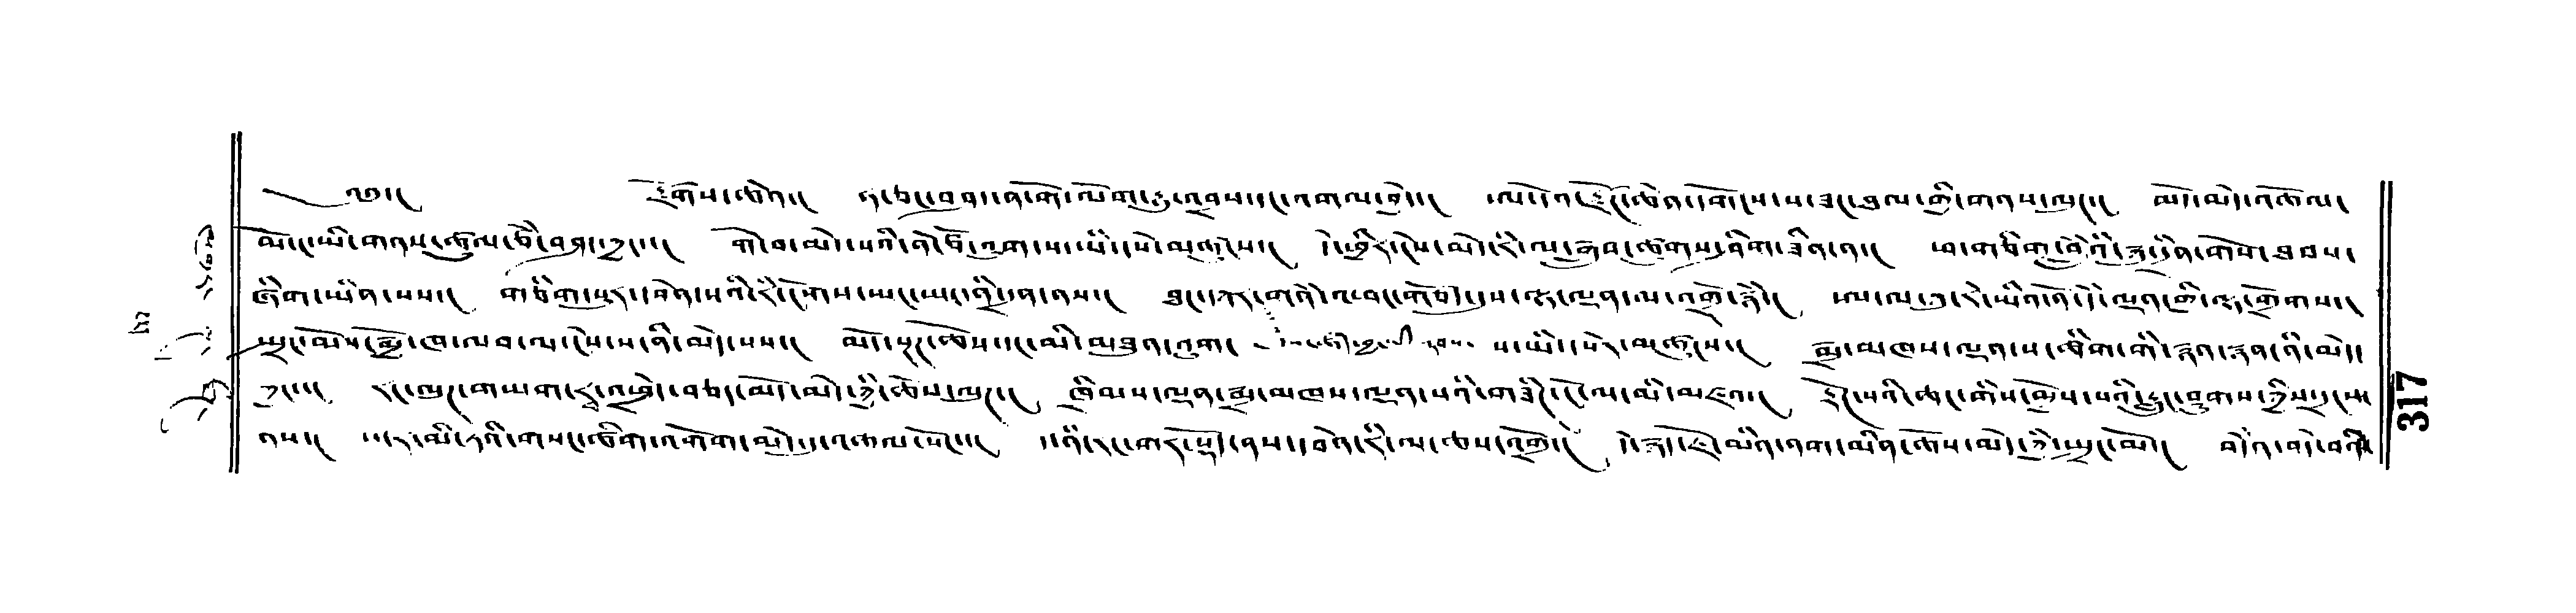རྫོགས་ཆེན། །ཧ་ཅང་བཤད་ན་གོ་ལོག་རྒྱུ་འབྲས་དང་འགལ་བྱེད། །ཨ་དོན་རྫོགས་ཆེན་དགོངས་པ་ཟང་ཐལ་གྱི་གནས་ལུགས། །མདོ་མེད་འཆོལ་
མོ་ང་ཡི་གནས་ཚུལ་ཙམ་བཤད་ཀྱང་། །གོ་བ་མེད་པའི་ནེ་ཙོ་འུག་པ་ཡི་དཔེ་མཚུངས། །དེ་ཕྱིར་ངེས་མེད་རི་ལ་སྒྲུབ་ཚུགས་ཤིག་ཟིན་ན། །ཕ་གཅིག་བླ་མའི་སྐུ་དྲིན་གསོ་ཐབས་
ཞིག་ཡིན་པས། །གཅིག་པུར་དབེན་པའི་རི་ངོགས་ཡང་ཡང་ནི་དྲན་ནས། །ཐང་དཀར་གནམ་འཕང་གཅོད་དུས་ལྷ་ལྡན་ལ་འགྲོ་སྙམ། །ཨ་ལ་ཀུ་རེ་ཡིན་ནོ་དམ་ལྡན་གྱི་ལྷ་གྲོགས། །
སྤྲང་མོས་སྨྱོ་ཁ་ལབ་ལ་ངེས་པ་ནི་མེད་པས། །མདོ་སྔགས་ཆོས་དང་མི་མཐུན་འུག་པ་ཡིས་དཔེར་མཚུངས། །སྨྲ་མཁས་ལྡན་པ་ཚིག་གི་སྙན་སྙན་ནི་མེད་
ཀྱང་། །རང་ལུགས་གཡག་རྭ་འཕྲེད་བཅད་མདོ་མེད་ཀྱི་ཆོས་ལུགས། ཁྲིམས་ལྡན་སྨྲ་མཁས་ལྡན་པའི་གཟིགས་ངོ་ལ་མི་མཛའ། །རྟོགས་པའི་ཆང་གིས་མྱོས་པའི་རླུང་ཤུགས་ཀྱིས་དྲངས་
ནས། །པ་ར་མི་ཏའི་གསང་ཚིག་འགོག་མེད་དུ་འཆལ་སོང་། །ད་ནི་རང་གར་སྡོད་གནས་དབེན་རི་ལ་ཆས་འགྲོ། །དེ་སྐད་ཇོ་མིན་ནག་མིན་ཆོས་མེད་ཀྱི་སྤྲང་མོ། །བདེ་ཆེན་བདེ་བའི་